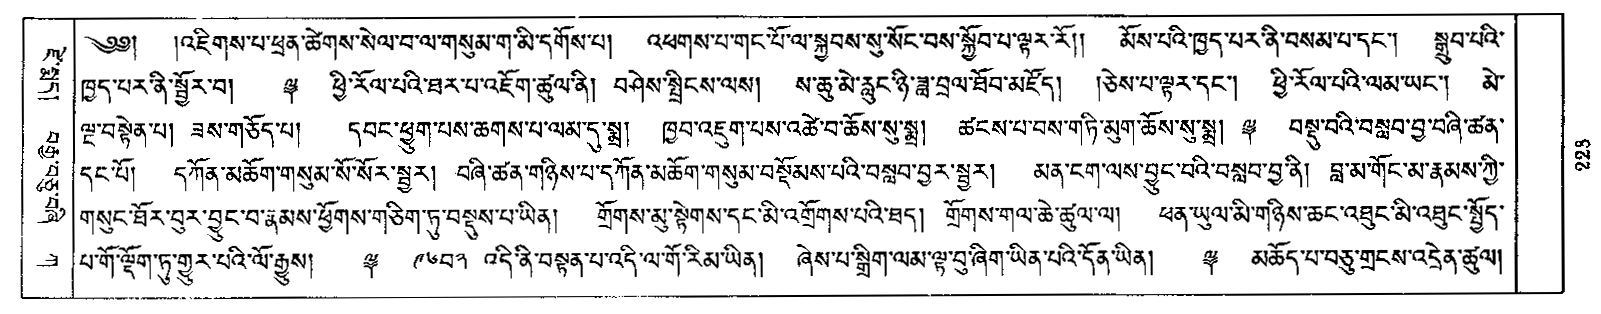༄༅། །འཇིགས་པ་ཕྲན་ཚེགས་སེལ་བ་ལ་གསུམ་ག་མི་དགོས་པ། འཕགས་པ་གང་པོ་ལ་སྐྱབས་སུ་སོང་བས་སྐྱོབ་པ་ལྟར་རོ།། མོས་པའི་ཁྱད་པར་ནི་བསམ་པ་དང་། སྒྲུབ་པའི་
ཁྱད་པར་ནི་སྦྱོར་བ། ༈ ཕྱི་རོལ་པའི་ཐར་པ་འཇོག་ཚུལ་ནི། བཤེས་སྤྲིངས་ལས། ས་ཆུ་མེ་རླུང་ཉི་ཟླ་བྲལ་ཐོབ་མཛོད། །ཅེས་པ་ལྟར་དང་། ཕྱི་རོལ་པའི་ལམ་ཡང་། མེ་
ལྔ་བསྟེན་པ། ཟས་གཅོད་པ། དབང་ཕྱུག་པས་ཆགས་པ་ལམ་དུ་སྨྲ། ཁྱབ་འཇུག་པས་འཚེ་བ་ཆོས་སུ་སྨྲ། ཚངས་པ་བས་གཏི་མུག་ཆོས་སུ་སྨྲ། ༈ བསྡུ་བའི་བསླབ་བྱ་བཞི་ཚན་
དང་པོ། དཀོན་མཆོག་གསུམ་སོ་སོར་སྦྱར། བཞི་ཚན་གཉིས་པ་དཀོན་མཆོག་གསུམ་བསྡོམས་པའི་བསླབ་བྱར་སྦྱར། མན་ངག་ལས་བྱུང་བའི་བསླབ་བྱ་ནི། བླ་མ་གོང་མ་རྣམས་ཀྱི་
གསུང་ཐོར་བུར་བྱུང་བ་རྣམས་ཕྱོགས་གཅིག་ཏུ་བསྡུས་པ་ཡིན། གྲོགས་མུ་སྟེགས་དང་མི་འགྲོགས་པའི་ཐད། གྲོགས་གལ་ཆེ་ཚུལ་ལ། ཕན་ཡུལ་མི་གཉིས་ཆང་འཐུང་མི་འཐུང་སྤྱོད་
པ་གོ་ལྡོག་ཏུ་གྱུར་པའི་ལོ་རྒྱུས། ༈ ༩༦་བ ༢་འདི་ནི་བསྟན་པ་འདི་ལ་གོ་རིམ་ཡིན། ཞེས་པ་སྒྲིག་ལམ་ལྟ་བུ་ཞིག་ཡིན་པའི་དོན་ཡིན། ༈ མཆོད་པ་བཅུ་གྲངས་འདྲེན་ཚུལ།